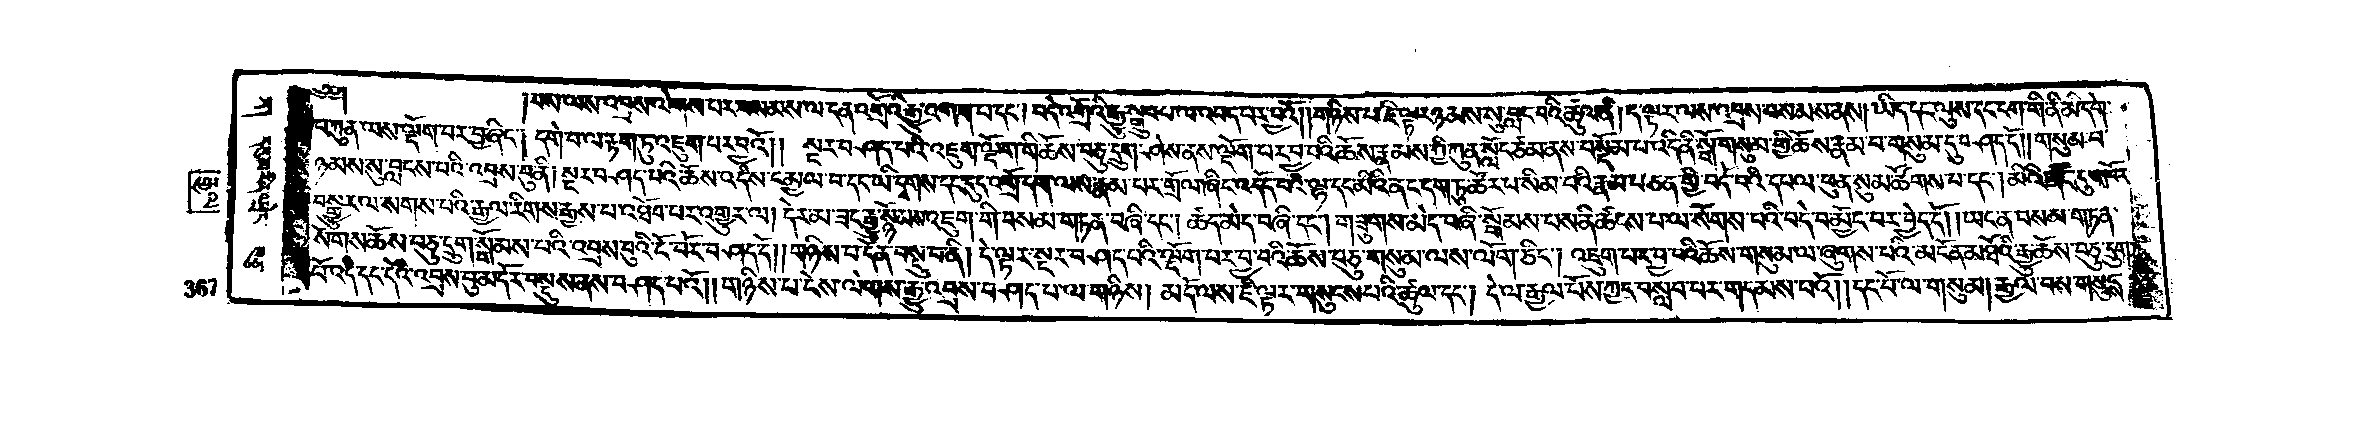༄༅། །བས་ལས་འབྲས་ལེགས་པར་བསམས་ལ་ངན་འགྲོའི་རྒྱུ་འགག་པ་དང་། བདེ་འགྲོའི་རྒྱུ་སྒྲུབ་པ་ལ་འབད་པར་བྱའོ། །གཉིས་པ་ཇི་ལྟར་ཉམས་སུ་བླང་བའི་ཚུལ་ནི། ད་ལྟར་ལས་འབྲས་བསམས་ནས། ཡིད་དང་ལུས་དང་ངག་གི་ནི་མི་དགེ་
བ་ཀུན་ལས་ལྡོག་པར་བྱ་ཞིང་། དགེ་བ་ལ་རྟག་ཏུ་འཇུག་པར་བྱའོ། །སྔར་བཤད་པའི་འཇུག་ལྡོག་གི་ཆོས་བཅུ་དྲུག་ཤེས་ནས་ལྡོག་པར་བྱ་བའི་ཆོས་རྣམས་ཀྱི་ཀུན་སློང་ཙམ་ནས་བསྡོམ་པ་འདི་ནི་སྒོ་གསུམ་གྱི་ཆོས་རྣམ་པ་གསུམ་དུ་བཤད་དོ། །གསུམ་པ་
ཉམས་སུ་བླངས་པའི་འབྲས་བུ་ནི། སྔར་བཤད་པའི་ཆོས་འདིས་དམྱལ་བ་དང་ཡི་དྭགས་དང་དུད་འགྲོ་དག་ལས་རྣམ་པར་གྲོལ་ཞིང་འདོད་པའི་ལྷ་དང་མིའི་ནང་དག་ཏུ་ཚོར་བ་སིམ་པའི་རྣམ་པ་ཅན་གྱི་བདེ་བའི་དཔལ་ཕུན་སུམ་ཚོགས་པ་དང་། མིའི་ནང་དུ་འཁོར་
བསྒྱུར་ལ་སོགས་པའི་རྒྱལ་རིགས་རྒྱས་པ་འཐོབ་པར་འགྱུར་ལ། དེར་མ་ཟད་རྒྱུ་སྙོམས་འཇུག་གི་བསམ་གཏན་བཞི་དང་། ཚད་མེད་བཞི་དང་། གཟུགས་མེད་བཞི་སྒོམས་པས་ནི་ཚངས་པ་ལ་སོགས་པའི་བདེ་བ་མྱོང་བར་བྱེད་དོ། །ཡང་ན་བསམ་གཏན་
སོགས་ཆོས་བཅུ་དྲུག་སྒོམས་པའི་འབྲས་བུའི་ངོ་བོར་བཤད་དོ། །གཉིས་པ་དོན་བསྡུ་བ་ནི། དེ་ལྟར་སྔར་བཤད་པའི་ལྡོག་པར་བྱ་བའི་ཆོས་བཅུ་གསུམ་ལས་ལོག་ཅིང་། འཇུག་པར་བྱ་བའི་ཆོས་གསུམ་ལ་ཞུགས་པའི་མངོན་མཐོའི་རྒྱུ་ཆོས་བཅུ་དྲུག་
པོ་འདི་དང་དེའི་འབྲས་བུ་མདོར་བསྡུས་ནས་བཤད་པའོ། །གཉིས་པ་ངེས་ལེགས་རྒྱུ་འབྲས་བཤད་པ་ལ་གཉིས། མདོ་ལས་ཇི་ལྟར་གསུངས་པའི་ཚུལ་དང་། དེ་ལ་རྒྱལ་པོས་ཀྱང་བསླབ་པར་གདམས་པའོ། །དང་པོ་ལ་གསུམ། རྒྱལ་བས་གསུངས་